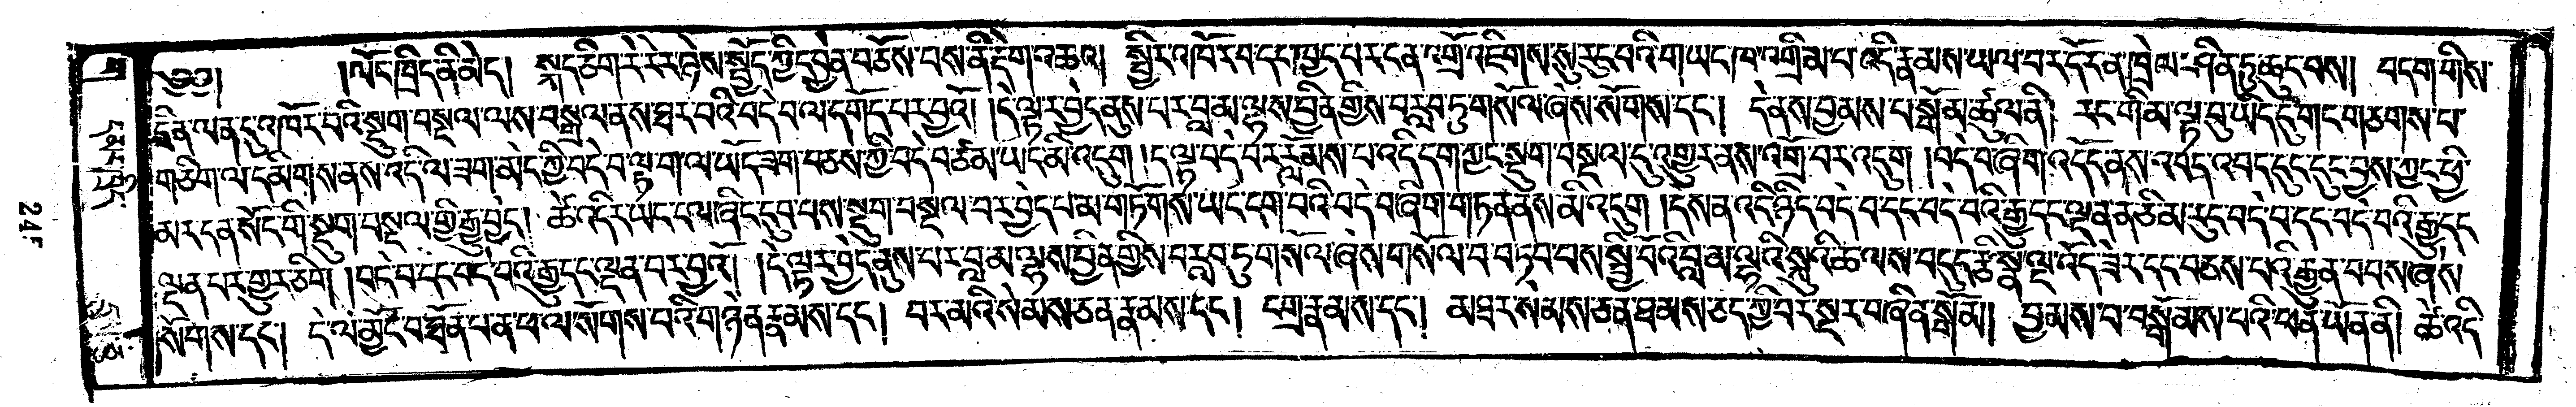༄༅། །ལོང་ཁྲིད་ནི་མེད། སྐད་ཅིག་རེ་རེར་ཉེས་སྤྱོད་ཀྱི་དབྱེན་བཅོས་པས་ནི་རྡེག་འཆའ། སྤྱིར་འཁོར་བ་དང་ཁྱད་པར་ངན་འགྲོ་འཇིགས་སུ་རུང་བའི་གཡང་ཁ་འགྲིམ་པ་འདི་རྣམས་ཡལ་བར་དོར་ན་ཁྲེལ་ཤིན་ཏུ་ཆུང་བས། བདག་གིས་
དྲིན་ལན་དུ་འཁོར་བའི་སྡུག་བསྔལ་ལས་བསྒྲལ་ནས་ཐར་བའི་བདེ་བ་ལ་དགོད་པར་བྱའོ། །དེ་ལྟར་བྱེད་ནུས་པར་བླ་མ་ལྷས་བྱིན་གྱིས་བརླབས་ཏུ་གསོལ་ཞེས་སོགས་དང་། དེ་ནས་བྱམས་པ་སྒོམ་ཚུལ་ནི། རང་གི་མ་ལྟ་བུ་ཡིད་དུ་གང་གཅགས་པ་
གཅིག་ལ་དམིགས་ནས་འདི་ལ་ཟག་མེད་ཀྱི་བདེ་བ་ལྟ་ག་ལ་ཡོད་ཟག་བཅས་ཀྱི་བདེ་བ་ཙམ་ཡང་མི་འདུག །ད་ལྟ་བདེ་བར་རློམས་པ་འདི་དག་ཀྱང་སྡུག་བསྔལ་དུ་འགྱུར་ནས་འགྲོ་བར་འདུག། །བདེ་བ་ཞིག་འདོད་ནས་འབད་འབད་དུང་དུང་བྱས་ཀྱང་ཕྱི་
མར་དན་སོང་གི་སྡུག་བསྔལ་གྱི་རྒྱུ་བྱེད། ཚེ་འདིར་ཡང་ངལ་ཞིང་དུབ་པས་སྡུག་བསྔལ་བར་བྱེད་པ་མ་གཏོགས་ཡང་དག་པའི་བདེ་བ་ཞིག་གཏན་ནས་མི་འདུག། །དེས་ན་འདི་ཉིད་བདེ་བ་དང་བདེ་བའི་རྒྱུ་དང་ལྡན་ན་ཅི་མ་རུང་བདེ་བ་དང་བདེ་བའི་རྒྱུ་དང་
ལྡན་པར་གྱུར་ཅིག །བདེ་བ་དང་བདེ་བའི་རྒྱུ་དང་ལྡན་པར་བྱའོ། །དེ་ལྟར་བྱེད་ནུས་པར་བླ་མ་ལྷས་བྱིན་གྱིས་བརླབ་ཏུ་གསོལ་ཞེས་གསོལ་བ་བཏབ་པས་སྤྱི་བོའི་བླ་མ་ལྷའི་སྐུའི་ཆ་ལས་བདུད་རྩི་སྣ་ལྔ་འོད་ཟེར་དང་བཅས་པའི་རྒྱུན་བབས་ཞེས་
སོགས་དང་། དེ་ལ་མྱོང་བ་ཐོན་པ་ན་ཕ་ལ་སོགས་པའི་གཉེན་རྣམས་དང་། བར་མའི་སེམས་ཅན་རྣམས་དང་། དགྲ་རྣམས་དང་། མཐར་སེམས་ཅན་ཐམས་ཅད་ཀྱི་བར་སྔར་བཞིན་སྒོམ། བྱམས་པ་བསྒོམས་པའི་ཕན་ཡོན་ནི། ཚེ་འདི་